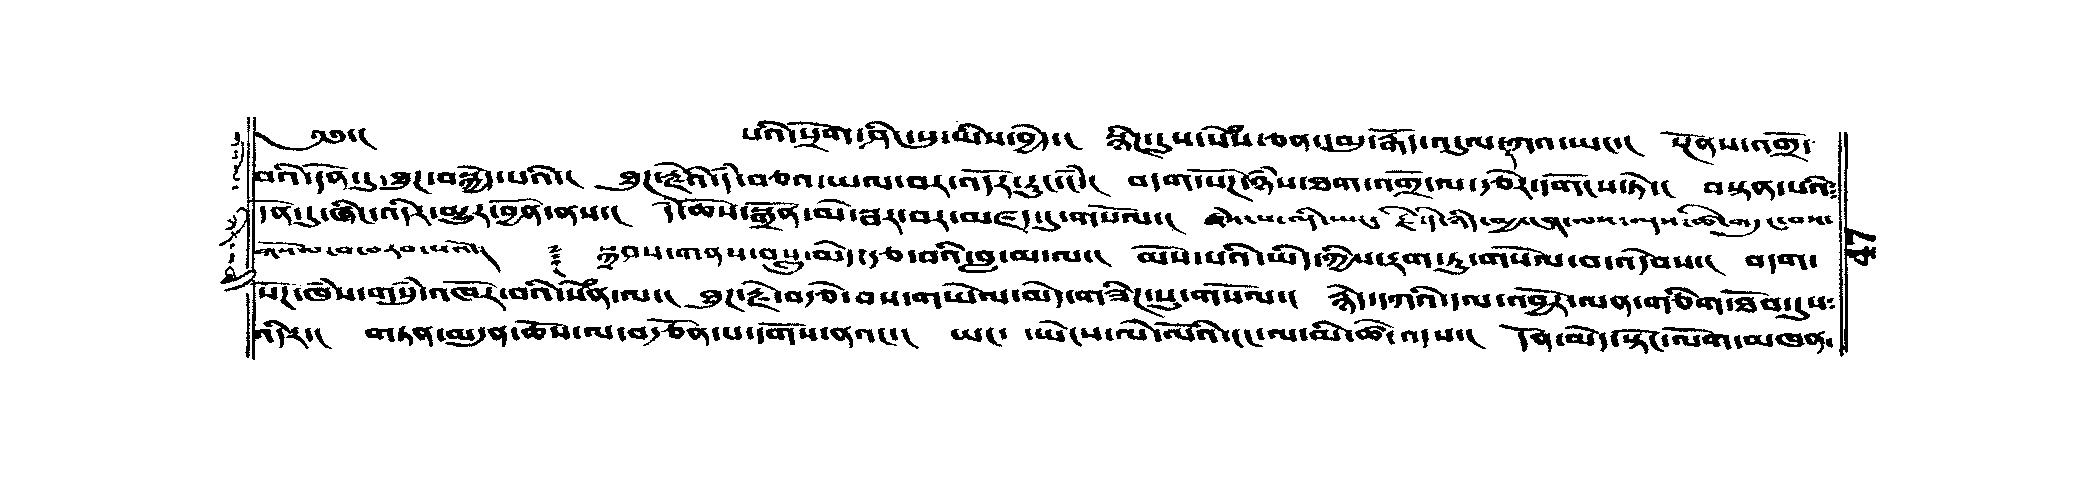པའི་སྲོག་ཤིང་སུ་ཡིས་བྱེད། །སྙིགས་དུས་སེམས་ཅན་དམུ་རྒོད་གདུལ་དཀའ་ཡང་། །སྔོན་ནས་འགྲོ་
བའི་དོན་དུ་ཐུགས་བསྐྱེད་པའི། །ཐུགས་རྗེའི་དམ་བཅའ་ཡལ་བར་འདོར་རུང་ངམ། །བདག་སོགས་ཉམས་ཐག་འགྲོ་ལ་བརྩེར་དགོངས་ཏེ། །བསྟན་པའི་
དོན་དུ་ཞིང་འདིར་མྱུར་བྱོན་ནས། །དམ་ཆོས་སྒྲོན་མེ་སྦར་བར་མཛད་དུ་གསོལ། ཞེས་པ་འདི་ཡང་རྗེ་དེ་ཉིད་མྱ་ངན་ལས་འདས་ཚེ་གདུང་བས་
གསོལ་བ་བཏབ་པའོ།། ༈ སྐྱབས་གནས་བསླུ་མེད་རྩ་བའི་བླ་མ་ལ། །མོས་པའི་ཡིད་ཀྱིས་རྟག་ཏུ་གསོལ་བ་འདེབས། །བདག་
སོགས་ཁམས་གསུམ་འཁོར་བའི་སེམས་ཅན་ལ། །ཐུགས་རྗེ་བརྩེ་བས་གཡེལ་མེད་གཟིགས་སུ་གསོལ། །རྙེད་དཀའི་དལ་འབྱོར་ལན་གཅིག་ཐོབ་དུས་
འདིར། །གཏན་མདུན་ཆོས་ལ་བརྩོན་པ་དགོས་ནའང་། །ཡང་ཡེངས་ལེ་ལོའི་ངང་ལ་མི་ཚེ་འདས། །དོན་མེད་སྟོང་ལོག་མཁན་